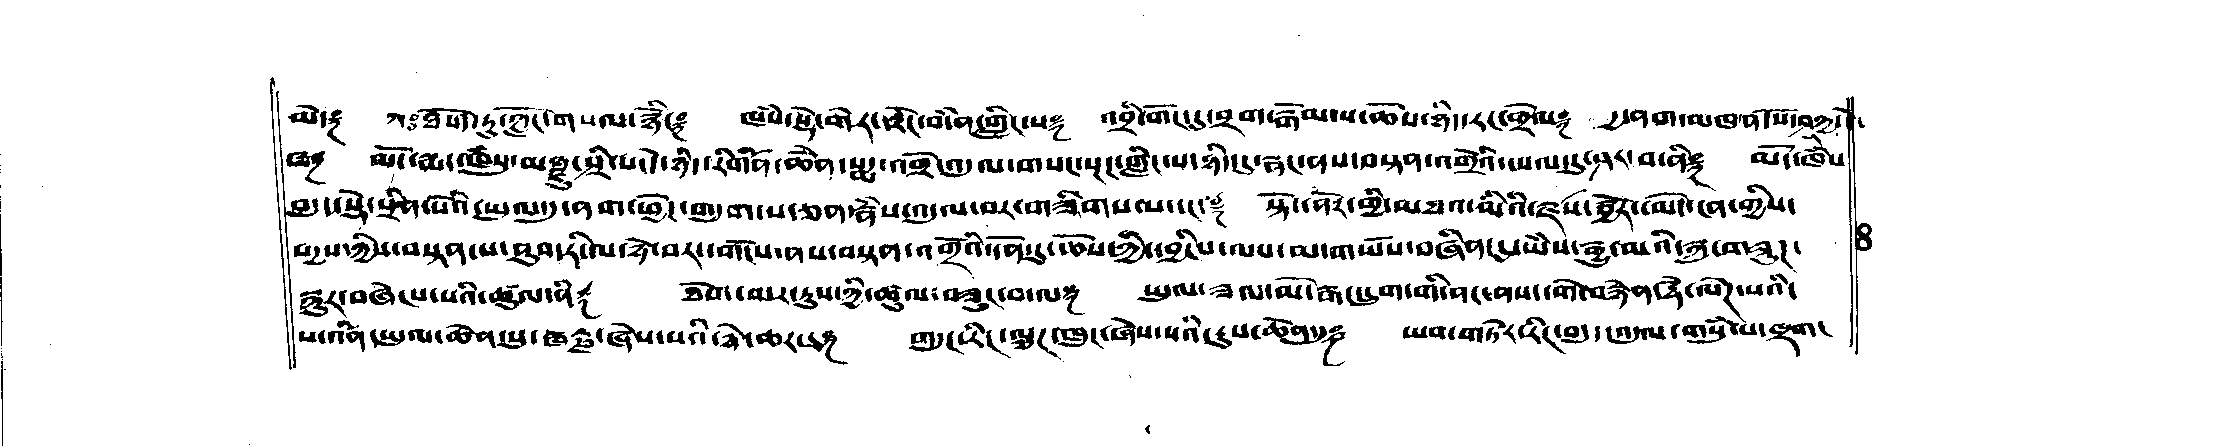མེད། ཀཿཐོག་ཏུ་ཀློང་གསལ་སྙིང་པོ། ཁམས་སྡེ་དགེ་རོགས་བདེ་ཆེན་གླིང་པ། འབྲི་གོང་དུ་བྲག་སྒོམ་པ་ཆོས་ཉིད་རང་གྲོལ། རྒྱ་ནག་མཁན་པོ་ཤཱཀྱ་དེ་
ཝ།མདོ་སྨད་ཁམས་སུ་མཉྫུ་ཤྲི་པ་དེ་ཉིད་རིག་འཛིན་ཆེན་པོ་པདྨ་འགྲོ་འདུལ་གསང་སྔགས་གླིང་པ་ཉིད་དུ་སྣང་ནས་བསྟན་འགྲོའི་དཔལ་དུ་ཤར་བ་ནི། མདོ་ཁམས་
བདུད་སྡེ་སྲིན་པོའི་ཡུལ་དུ་ནག་ཕྱོགས་གདུག་པ་ཅན་རྣམས་འདུལ་བར་གཟིགས་པ་དང་། སྟོད་ནོར་གྱི་མཐའ་མིའི་རྫས་སྦྱོར་དམོད་ངན་གྱིས་
སངས་རྒྱས་ཀྱི་བསྟན་པ་ནུབ་རི་ལ་ཉེ་བར་དགོངས་ནས་བསྟན་འགྲོའི་དོན་དུ་ཆོས་ཀྱི་དབྱིངས་ལས་མ་གཡོས་བཞིན་དུ་ཡེ་ཤེས་སྒྱུ་མའི་སྐུ་གཟུགས་
སྐུར་བཞེངས་པའི་ཚུལ་ནི། ཐོག་མར་རུས་ཀྱི་ཚུལ་བཟུང་བ་ལ། ཡུལ་ཟལ་མོ་སྒང་དྲུག་གི་ནང་ནས་དགེ་བསྙེན་རྡོ་རྗེ་ལེགས་པའི་
ས་འཛིན་ཡུལ་ཆེན་སུ་ཝརྞ་ཞེས་པའི་ཉེ་ཆར་དུ། གདུང་རིགས་ལྕགས་ཁུང་ཞེས་པའི་རུས་ཆེན་དུ། ཡབ་གཏེར་རིགས་བདུད་འདུལ་གསུམ་པ་ཁྲག་